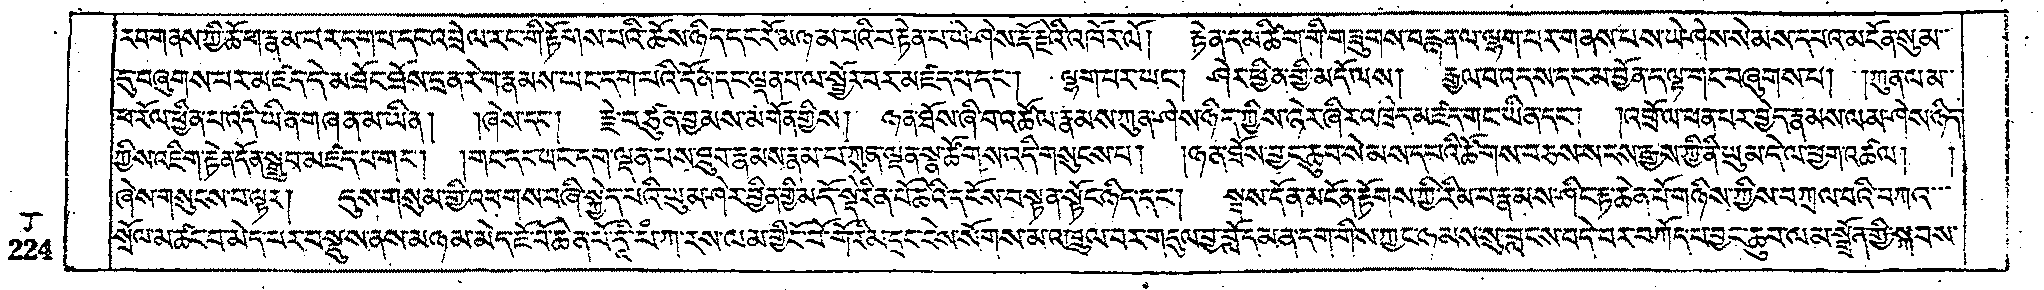རབ་གནས་ཀྱི་ཆོ་ག་རྣམ་པར་དག་པ་དང་འབྲེལ་རང་གི་རྟོགས་པའི་ཆོས་ཉིད་དང་རོ་མཉམ་པའི་བརྟེན་པ་ཡེ་ཤེས་རྡོ་རྗེའི་འཁོར་ལོ། རྟེན་དམ་ཚིག་གི་གཟུགས་བརྙན་ལ་ལྷག་པར་གནས་པས་ཡེ་ཤེས་སེམས་དཔའ་མངོན་སུམ་་་
དུ་བཞུགས་པར་མཛད་དེ་མཐོང་ཐོས་དྲན་རེག་རྣམས་ཡང་དག་པའི་དོན་དང་ལྡན་པ་ལ་སྦྱོར་བར་མཛད་པ་དང་། ལྷག་པར་ཡང་། ཤེར་ཕྱིན་གྱི་མདོ་ལས། རྒྱལ་བ་འདས་དང་མ་བྱོན་ད་ལྟ་གང་བཞུགས་པ། །ཀུན་ལམ་་་
ཕ་རོལ་ཕྱིན་པ་འདི་ཡིན་གཞན་མ་ཡིན། །ཞེས་དང་། རྗེ་བཙུན་བྱམས་མགོན་གྱིས། ཉན་ཐོས་ཞི་བ་འཚོལ་རྣམས་ཀུན་ཤེས་ཉིད་ཀྱིས་ཉེར་ཞིར་འཁྲིད་མཛད་གང་ཡིན་དང་། །འགྲོ་ལ་ཕན་པར་བྱེད་རྣམས་ལམ་ཤེས་ཉིད་
ཀྱིས་འཇིག་རྟེན་དོན་སྒྲུབ་མཛད་པ་གང་། །གང་དང་ཡང་དག་ལྡན་པས་ཐུབ་རྣམས་རྣམ་པ་ཀུན་ལྡན་སྣ་ཚོགས་འདི་གསུངས་པ། །ཉན་ཐོས་བྱང་ཆུབ་སེམས་དཔའི་ཚོགས་བཅས་སངས་རྒྱས་ཀྱི་ནི་ཡུམ་དེ་ལ་ཕྱག་འཚལ། །
ཞེས་གསུངས་པ་ལྟར། དུས་གསུམ་གྱི་འཕགས་བཞི་སྐྱེད་པའི་ཡུམ་ཤེར་ཕྱིན་གྱི་མདོ་སྡེ་རིན་པོ་ཆེའི་དངོས་བསྟན་སྟོང་ཉིད་དང་། སྦས་དོན་མངོན་རྟོགས་ཀྱི་རིམ་པ་རྣམས་ཤིང་རྟ་ཆེན་པོ་གཉིས་ཀྱིས་བཀྲལ་བའི་བཀའ་་་
སྲོལ་མ་ཚང་བ་མེད་པར་བསྡུས་ནས་མཉམ་མེད་ཇོ་བོ་ཆེན་པོ་དཱི་པཾ་ཀ་རས་ལམ་གྱི་ངོ་བོ་གོ་རིམ་དྲང་ངེས་སོགས་མ་འཁྲུལ་བར་གདུལ་བྱ་བློ་དམན་དག་གིས་ཀྱང་ཉམས་སུ་བླངས་བདེ་བར་བཀོད་པ་བྱང་ཆུབ་ལམ་སྒྲོན་གྱི་སྐབས་